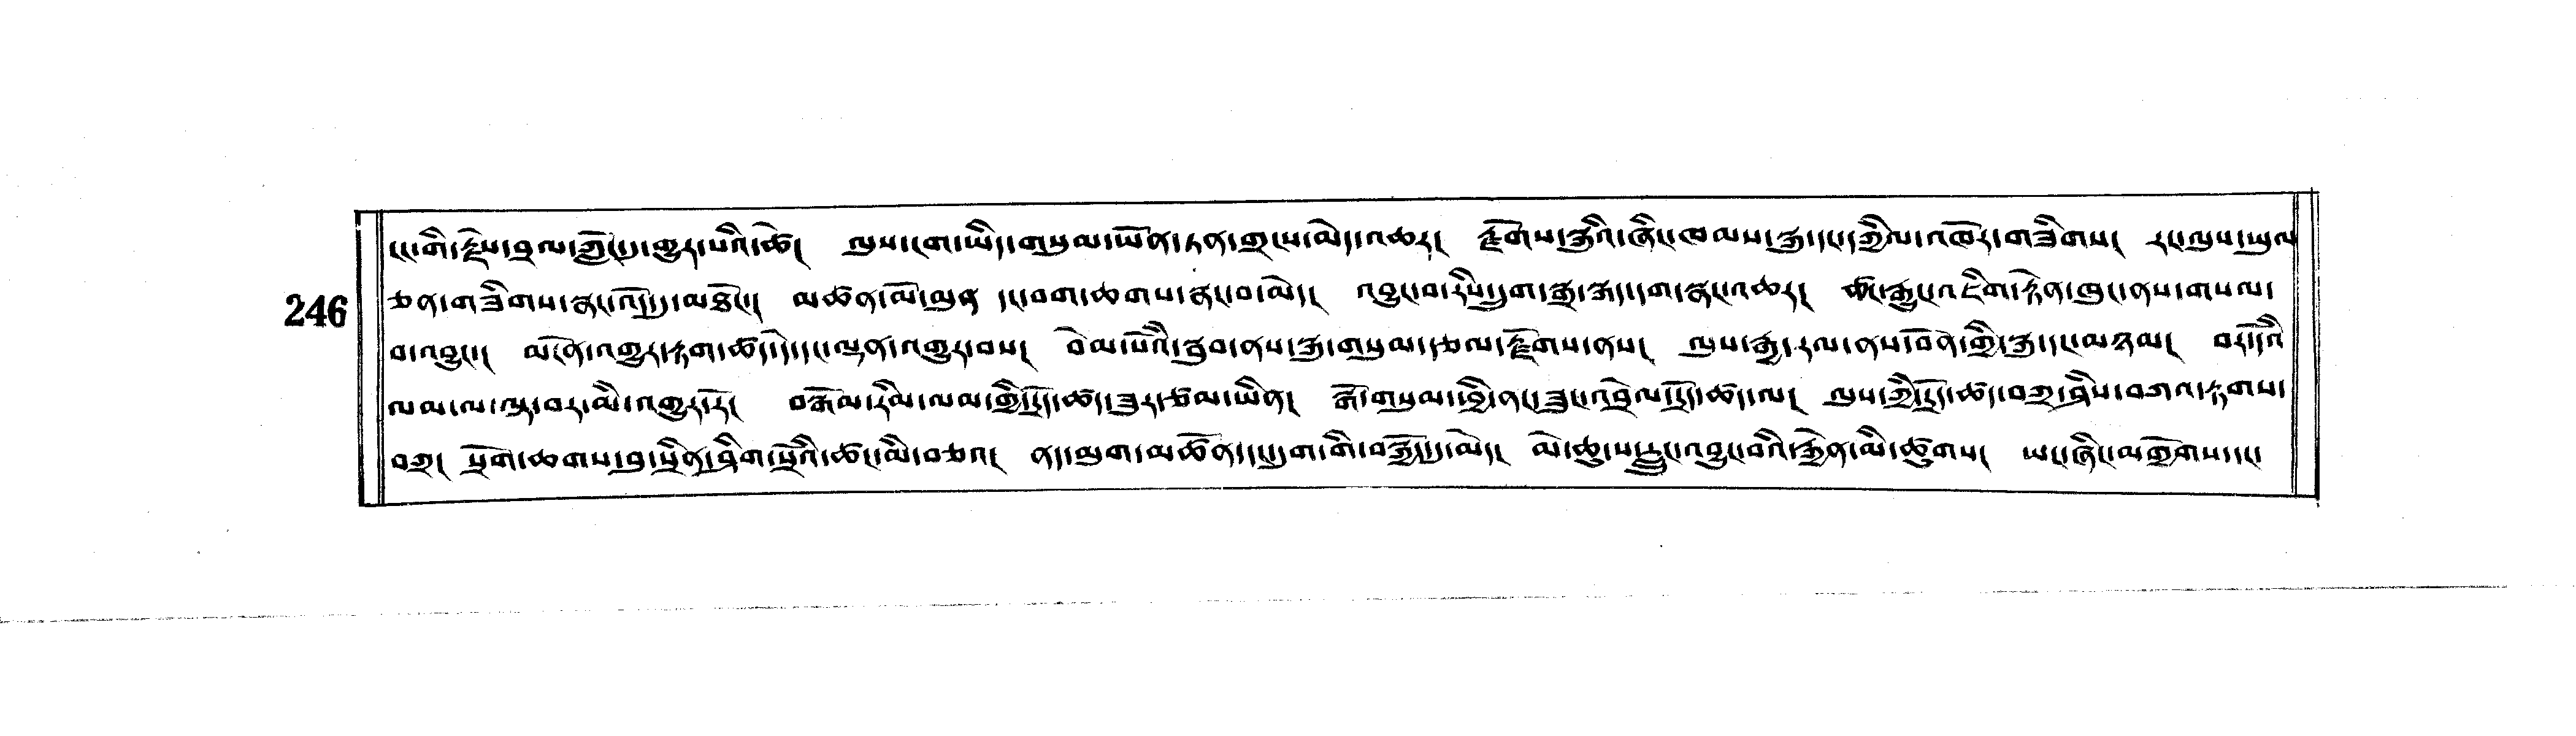༧ ངང་གི་རྗེས་བྲལ་ཀློང་དུ་གྱུར་པའི་ཚེ། ལུས་ངག་ཡིད་གསུམ་ཡོན་ཏན་གྲངས་མེད་འཆར། རྫོགས་སྐུའི་ཞིང་ཁམས་སྐུ་དང་དཀྱིལ་འཁོར་གཟིགས། རང་ལུས་ཡུལ་
ཅན་གཟིགས་སྣང་འོད་དུ་མཐོང་། མཚན་མོ་མུན་དང་བག་ཆགས་སྣང་བ་མེད། འབྱུང་བ་རིགས་དྲུག་སྒྲ་སྐད་དག་སྣང་འཆར། ཚང་རྒྱུང་འཇིག་རྟེན་ཁུངས་ནས་གསལ་
བ་འབྱུང་། མངོན་གྱུར་རྟགས་ཚད་དེ་དང་ལྡན་འགྱུར་བས། བེམ་པོའི་སྦུབས་ནས་སྐུ་གསུམ་རྩལ་རྫོགས་ནས། ལུས་རྒྱ་རལ་ནས་བོན་གྱི་སྐུ་དང་མཉམ། བར་དོའི་
ལམ་ལ་ལྟ་བར་མི་འགྱུར་རོ། སྒོམ་རིམ་ལམ་གྱི་དྲོད་ཚད་ཟུར་ཙམ་ཡིན། སྒོ་གསུམ་ཕྱི་ནང་ཟུང་འབྲེལ་དྲོད་ཚད་ལ། ལུས་ཀྱི་དྲོད་ཚད་བཀྲ་ཤིས་བཀའ་རྟགས་
བཀྲ། སྲོག་ཆགས་འབུ་སྲིན་ཤིག་སྲོའི་ཚང་མི་བཅའ། ནད་མུག་མཚོན་དང་དུག་གིས་བསྐྱེད་དུ་མེད། མེ་ཆུ་ས་རླུང་འབྱུང་བའི་རྐྱེན་མི་ཚུགས། ཡང་ཞིང་མགྱོགས་པ་དང་